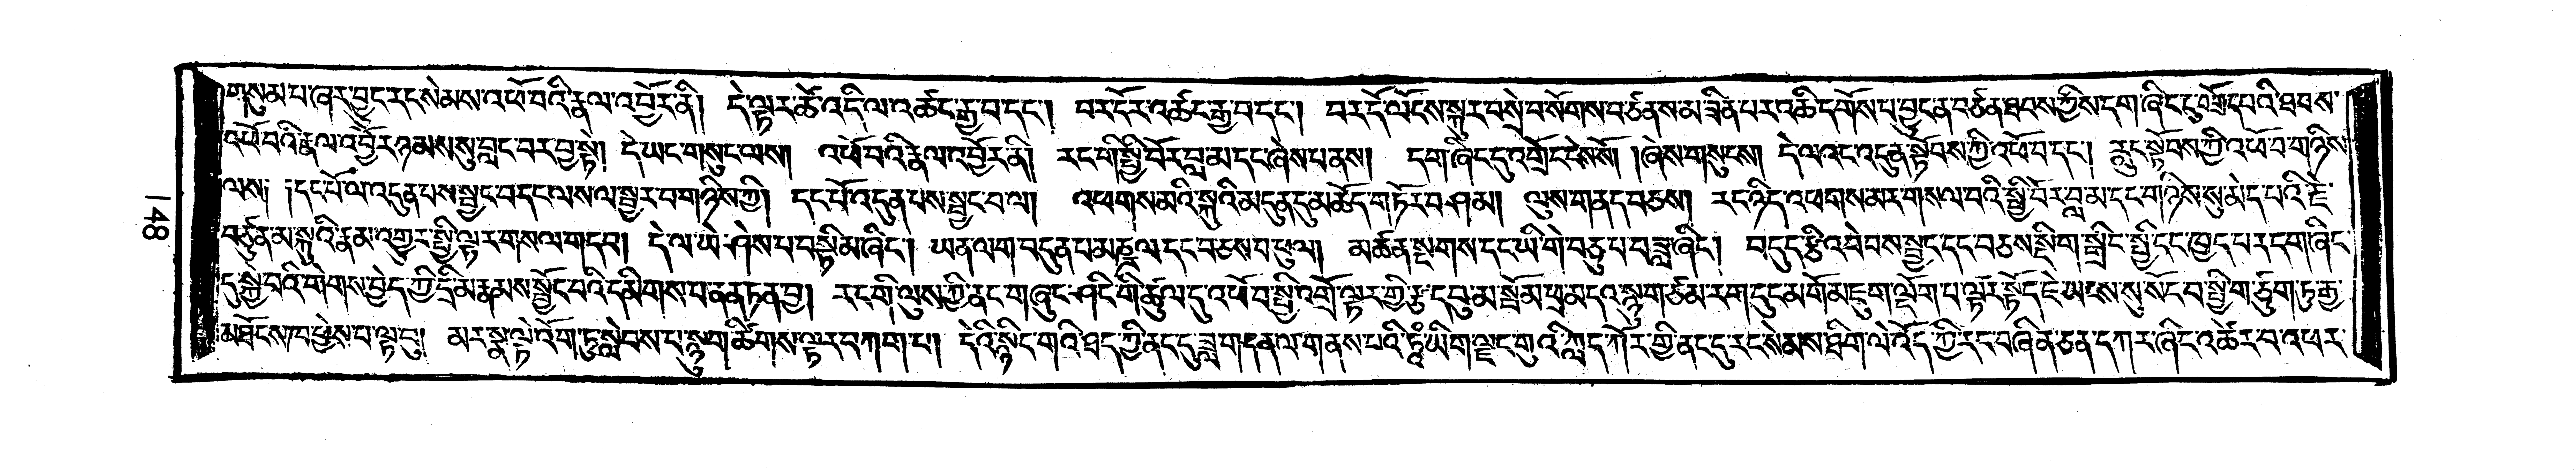གསུམ་པ་ཞར་བྱུང་རང་སེམས་འཕོ་བའི་རྣལ་འབྱོར་ནི། དེ་ལྟར་ཚེ་འདི་ལ་འཚང་རྒྱབ་དང་། བར་དོར་འཚང་རྒྱབ་དང་། བར་དོ་ལོངས་སྐུར་བསྲེ་བ་སོགས་བཙན་སམ་ཟིན་པར་འཆི་དགོས་པ་རྒྱུང་ན་བཙན་ཐབས་ཀྱིས་དག་ཞིང་དུ་འབྲོད་པའི་ཐབས་
འཕོ་བའི་རྣལ་འབྱོར་ཉམས་སུ་བླང་བར་བྱ་སྟེ། དེ་ཡང་གསུང་ལས། འཕོ་བའི་རྣལ་འབྱོར་ནི། རང་གི་སྤྱི་བོར་བླ་མ་དང་ཞེས་པ་ནས། དག་ཞིང་དུ་བགྲོད་ངེས་སོ། །ཞེས་གསུངས། དེ་ལའང་བདུན་སྟོབས་ཀྱི་འཕོ་བ་དང་། རླུང་སྟོབས་ཀྱི་འཕོ་བ་གཉིས་
ལས༑ དང་པོ་ལ་འདུན་པས་སྦྱང་བ་དང་ལས་ལ་སྦྱར་བ་གཉིས་ཀྱི། དང་པོ་འདུན་པས་སྦྱང་བ་ལ། འཕགས་མའི་སྐུའི་མདུན་དུ་མཆོད་གཏོར་བཤམ། ལུས་གནད་བཅས། རང་ཉིད་འཕགས་མར་གསལ་བའི་སྤྱི་བོར་བླ་མ་དང་གཉིས་སུ་མེད་པའི་རྗེ་
བཙུན་མ་སྐུའི་རྣམ་འགྱུར་སྤྱི་ལྟར་གསལ་གདབ། དེ་ལ་ཡེ་ཤེས་པ་བསྟིམ་ཞིང་། ཡན་ལག་བདུན་པ་མཎྜལ་དང་བཅས་པ་ཕུལ། མཚན་སྔགས་དང་ཡི་གེ་བཅུ་པ་བཟླ་ཞིང་། བདུད་རྩི་འབེབས་སྦྱང་དང་བཅས་སྡིག་སྒྲིབ་སྤྱི་དང་ཁྱད་པར་དག་ཞིང་
དུ་སྐྱེ་བའི་གེགས་བྱེད་ཀྱི་དྲི་མ་རྣམས་སྦྱོང་བའི་དམིགས་པ་ནན་ཏན་བྱ། རང་གི་ལུས་ཀྱི་ནང་གཞུང་ཤིང་གི་ཚུལ་དུ་འཕོ་བ་སྤྱི་འགྲོ་ལྟར་གྱི་རྩ་དབུ་མ་སྦོམ་ཕྲ་མདའ་སྨྱུག་ཙམ་རག་དུང་མགོ་མཇུག་ལྡོག་པ་ལྟར་སྟོད་ཇེ་ཡངས་སུ་སོང་བ་སྤྱི་གཙུག་ཏུ་རྒྱ་
མཐོངས་ཁ་ཕྱེས་པ་ལྟ་བུ། མར་སྣེ་ལྟེ་འོག་ཏུ་སླེབས་པ་སྨྱུག་ཚིགས་ལྟར་བཀག་པ། དེའི་སྙིང་གའི་ཐད་ཀྱི་ནང་དུ་ཟླ་གདན་ལ་གནས་པའི་ཏཱཾ་ཡིག་ལྗང་གུའི་ཀླད་ཀོར་གྱི་ནང་དུ་རང་སེམས་ཐིག་ལེ་འོད་ཀྱི་རང་བཞིན་ཅན་དཀར་ཞིང་འཚོར་བ་འཕར་